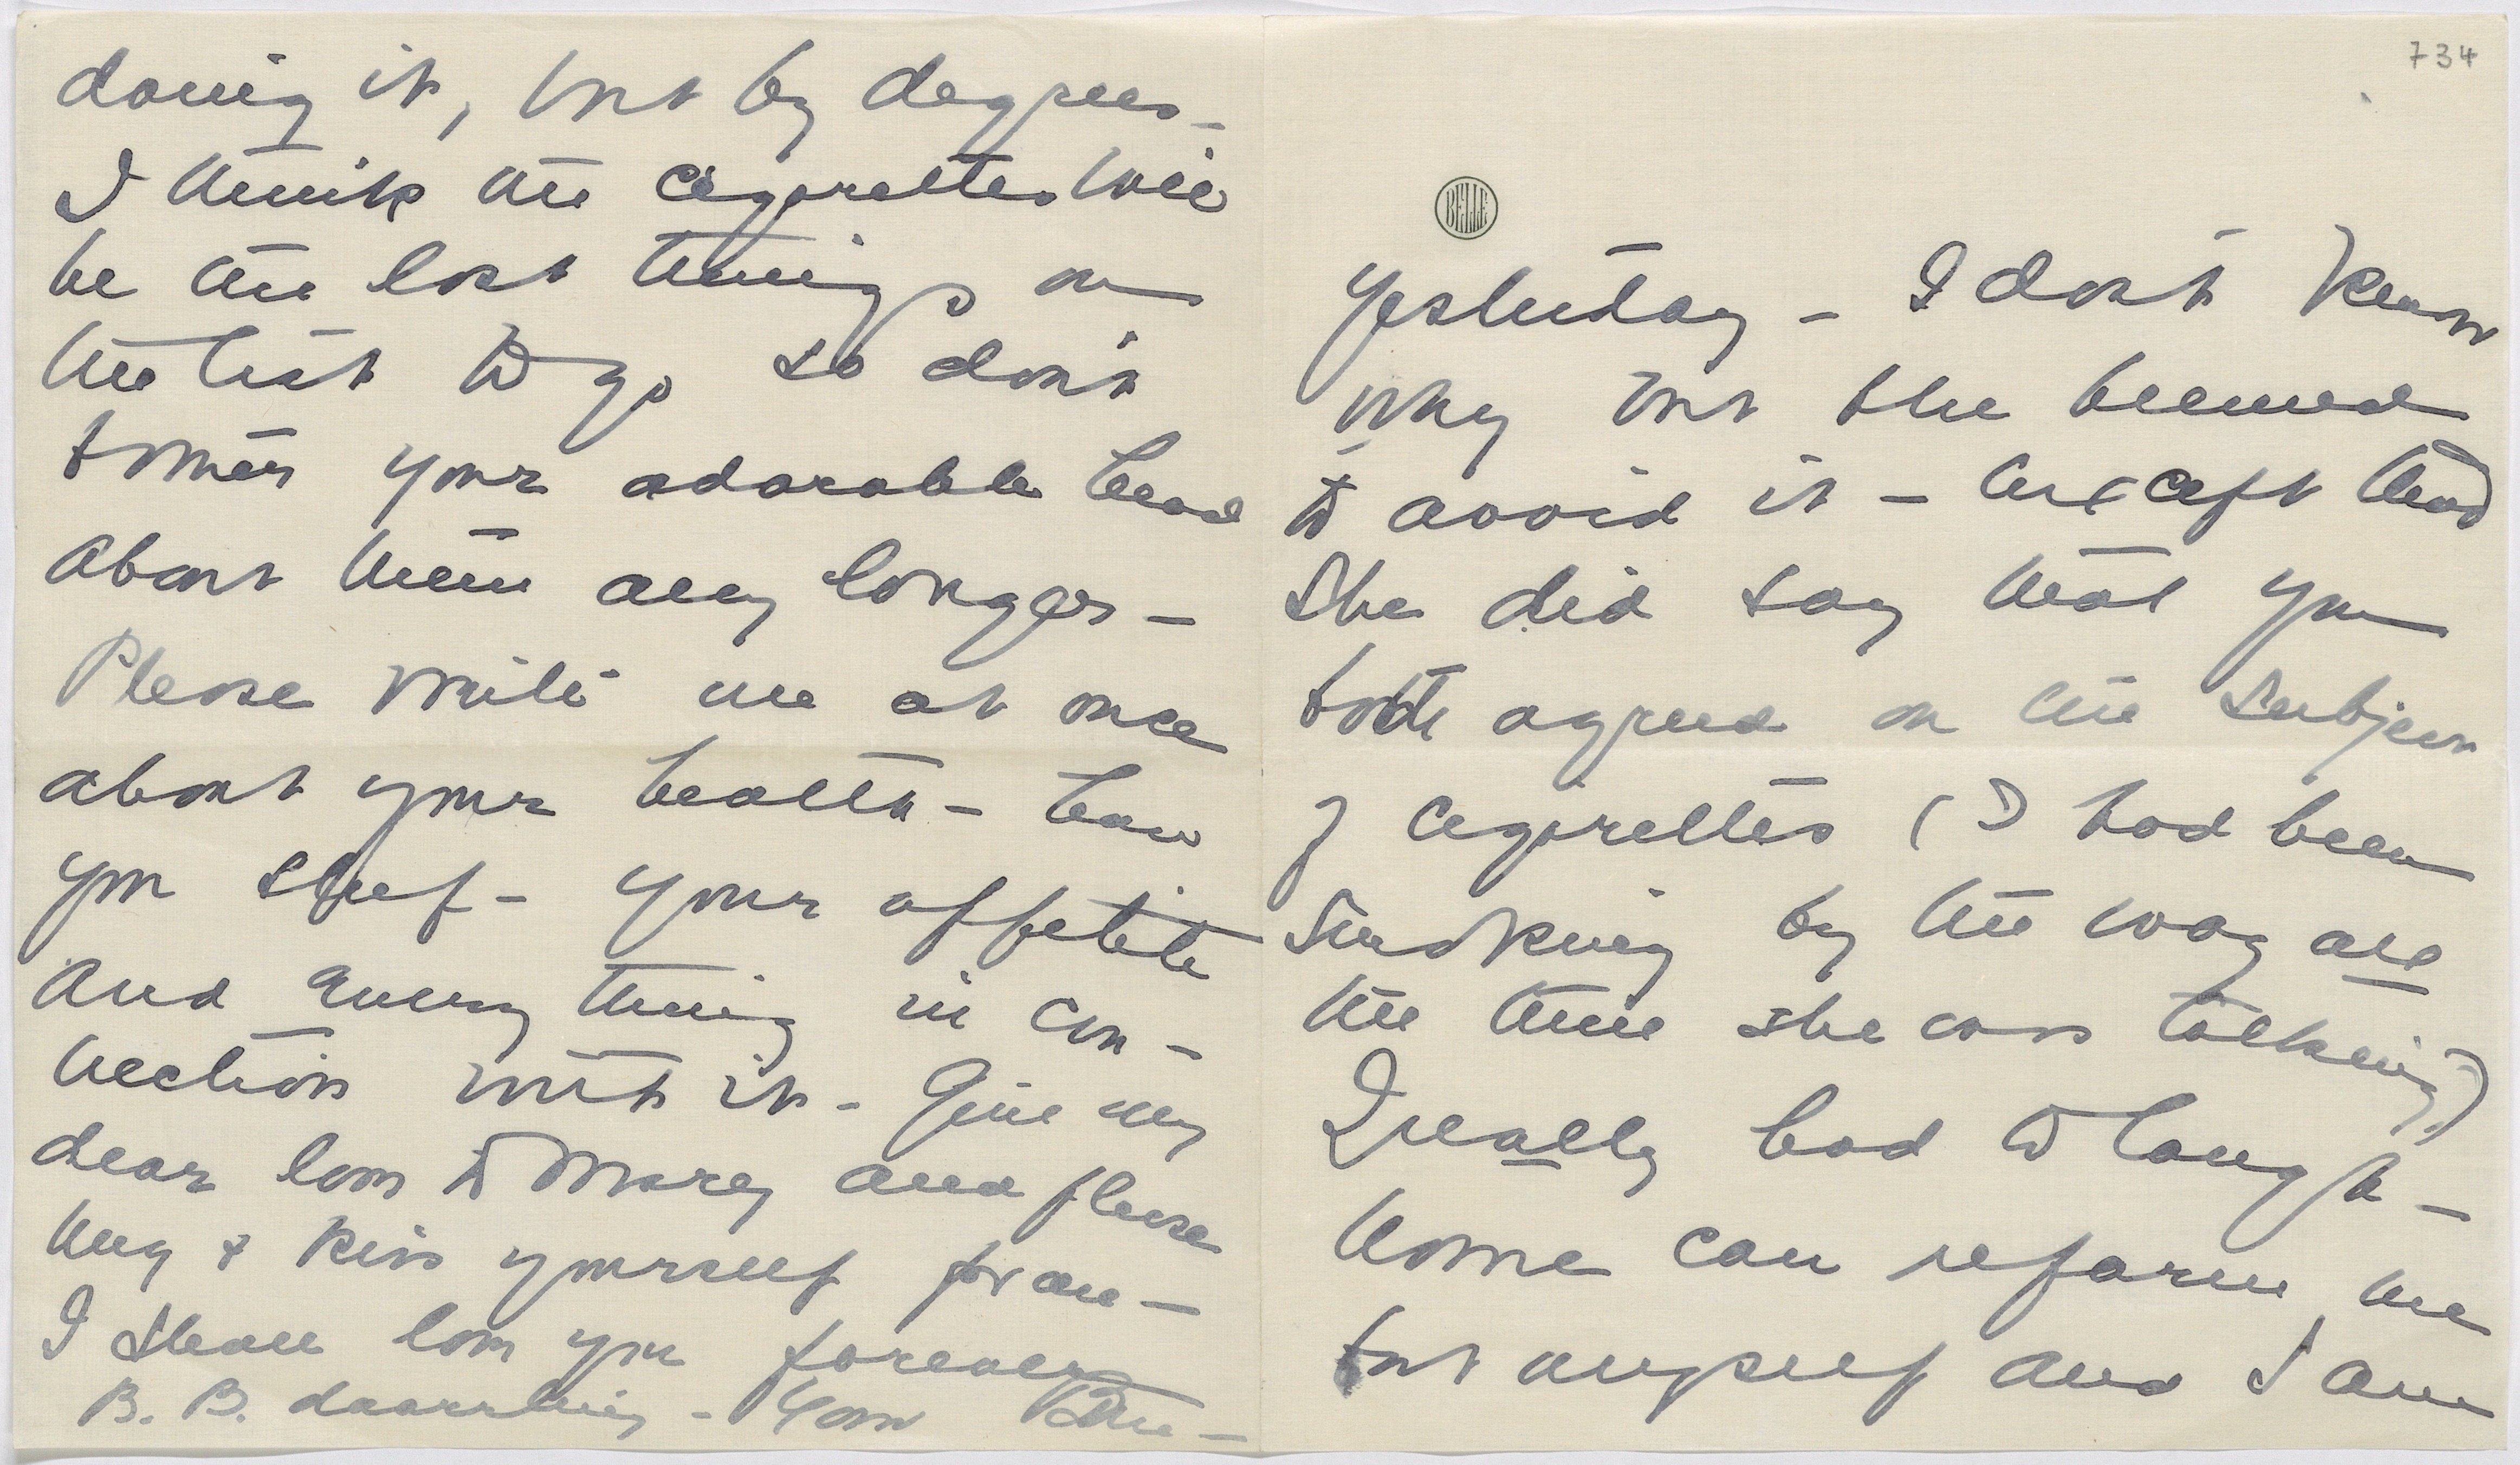yesterday – I don’t know why but she seemed to avoid it – except that she did say that you both agreed on the subject of cigarettes (I had been smoking by the way all the time she was talking)
I really had to laugh – none can reform me but myself and I am
doing it, but by degrees – I think the cigarettes will be the last things on the list to go so don’t bother your adorable head about them any longer –
Please write me at once about your health – how you slept – your appetite and every thing in connection with it – Give my dear love to Mary and please hug & kiss yourself for me – I shall love you forever B. B. daarrling – Your Belle –